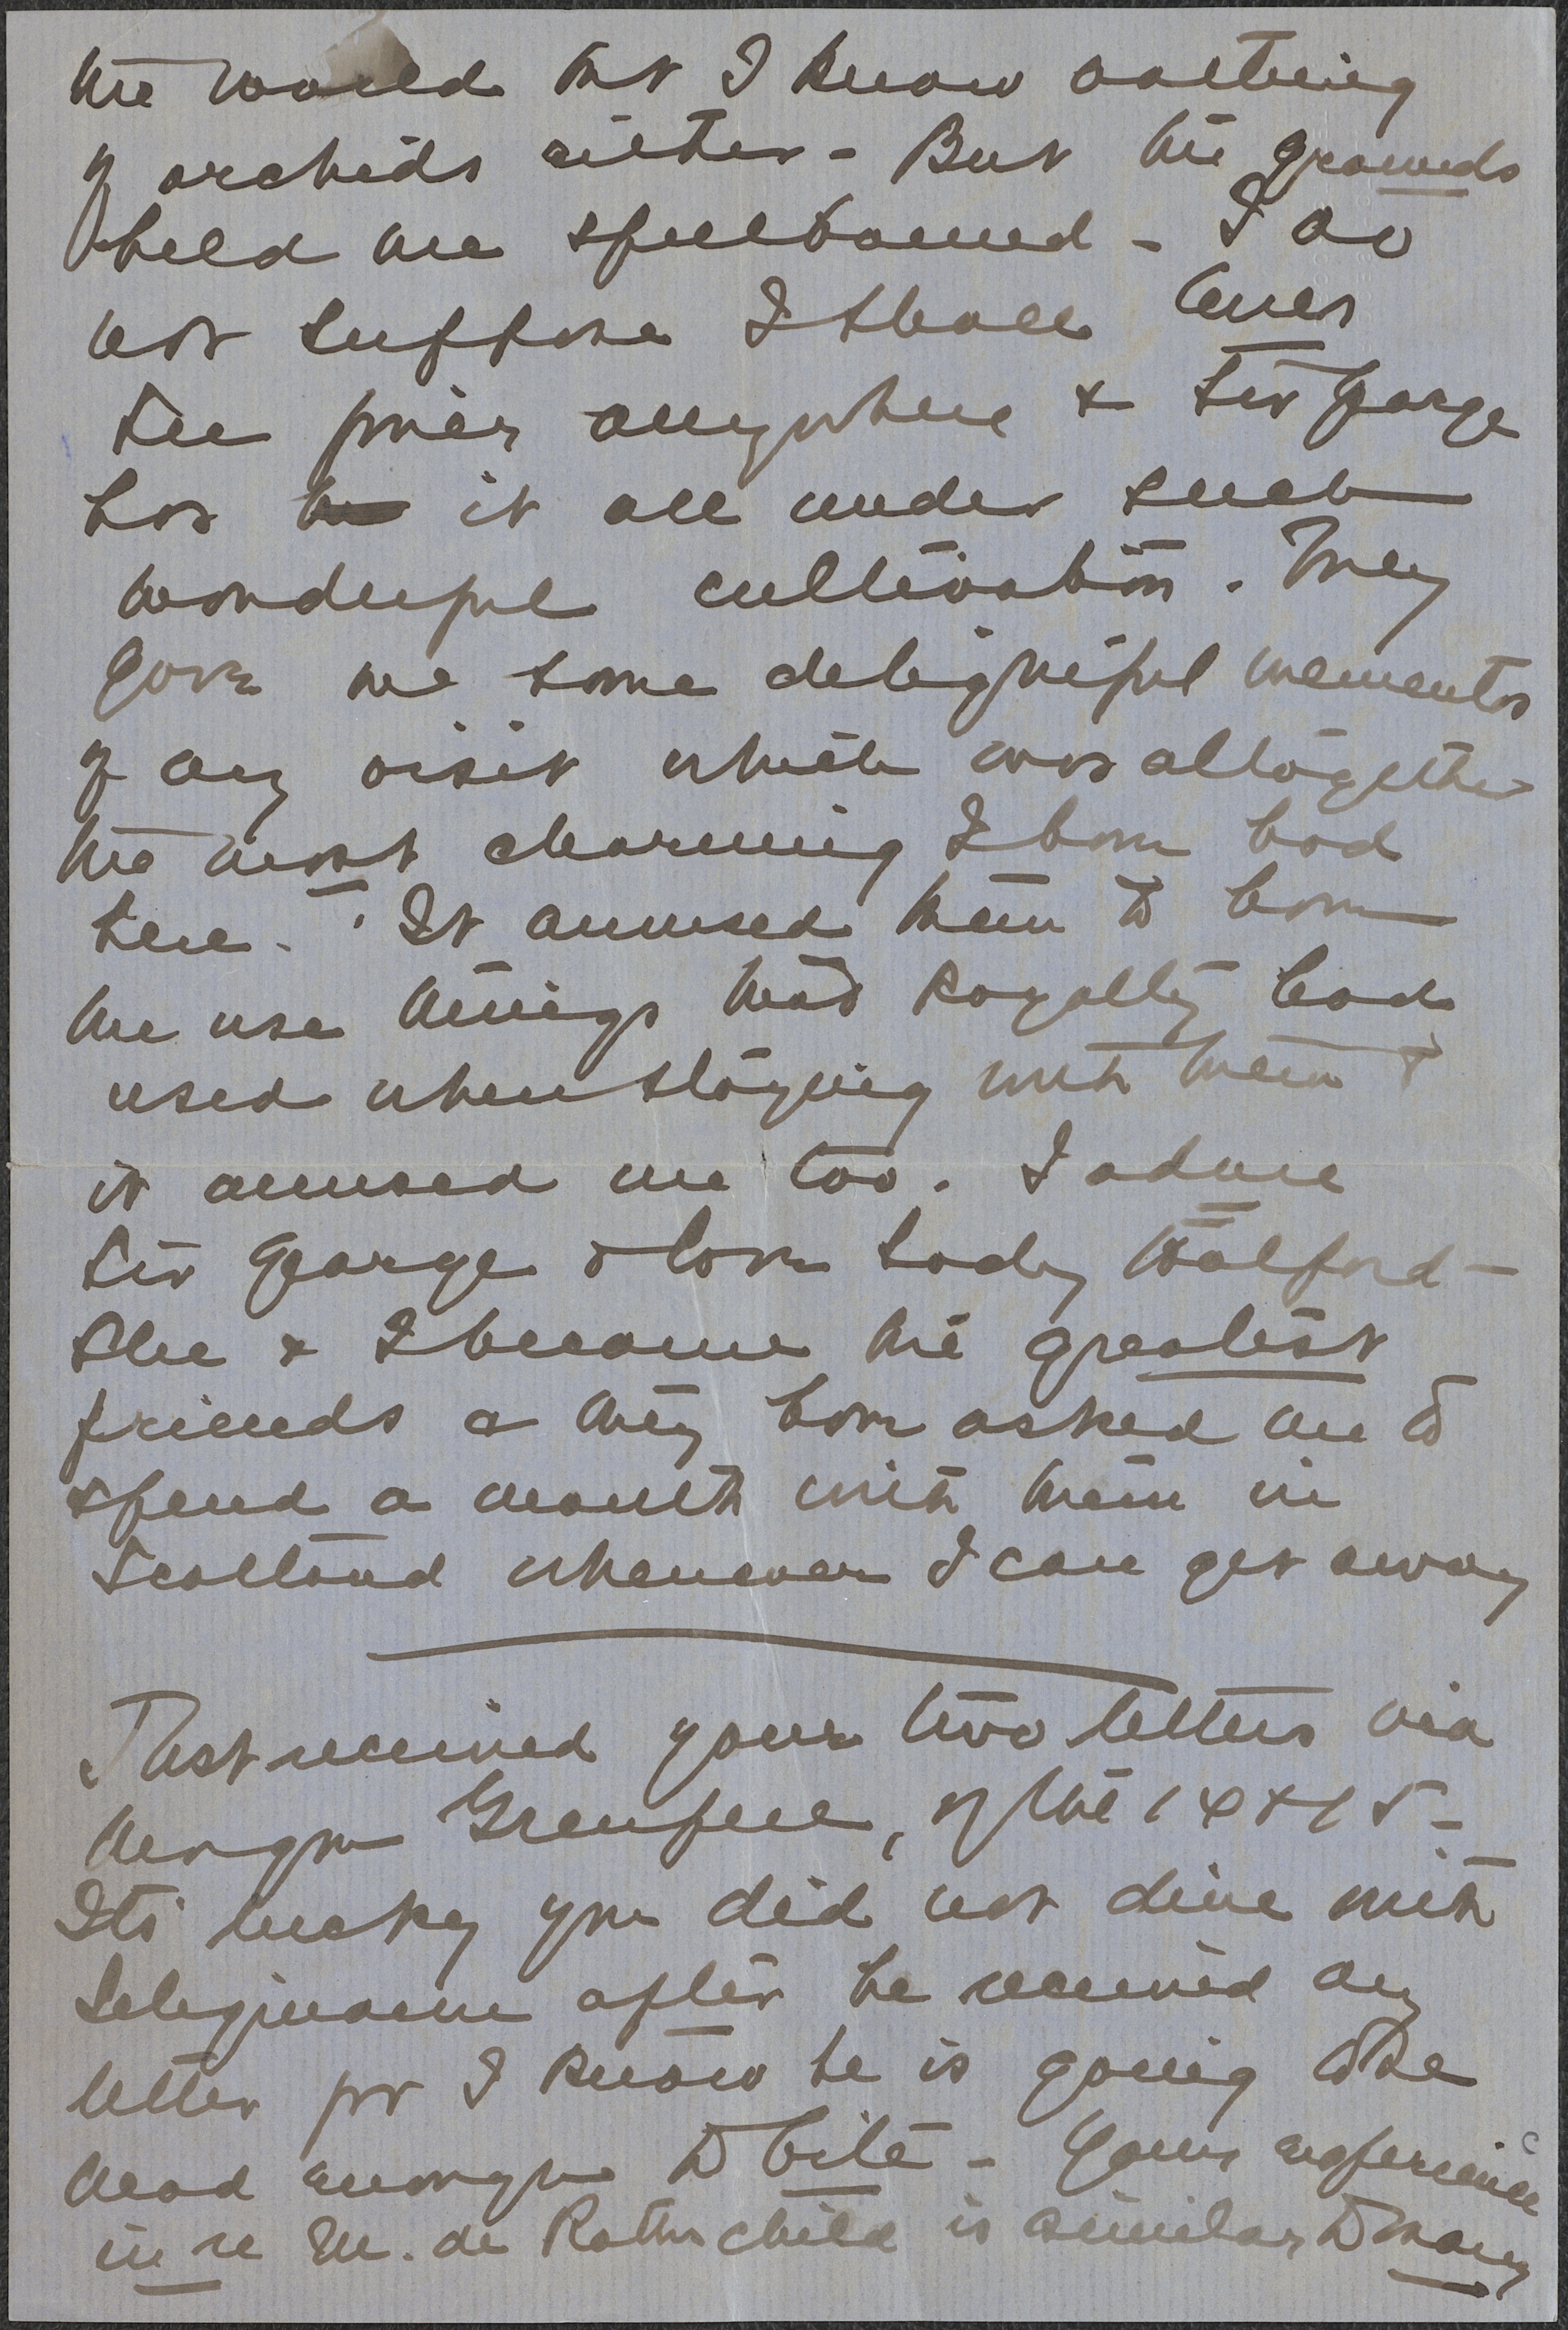the world but I know nothing of orchids either – But the grounds held me spellbound – I do not suppose I shall ever see finer anywhere & Sir George has hi it all under such wonderful cultivation. They gave me some delightful mementos of my visit which was altogether the most charming I have had here. It amused them to have me use things that Royalty had used when staying with them & it amused me too. I [double underlined: adore] Sir George & love Lady Holford – she & I became the greatest friends & they have asked me to spend a month with them in Scotland whenever I can get away
Just received your two letters via Morgan Grenfell, of the 14 & 15 – It’s lucky you did not dine with Seligmann after he received my letter for I know he is going to be mad enough to bite – Your experience in re M. de Rothschild is similar to many